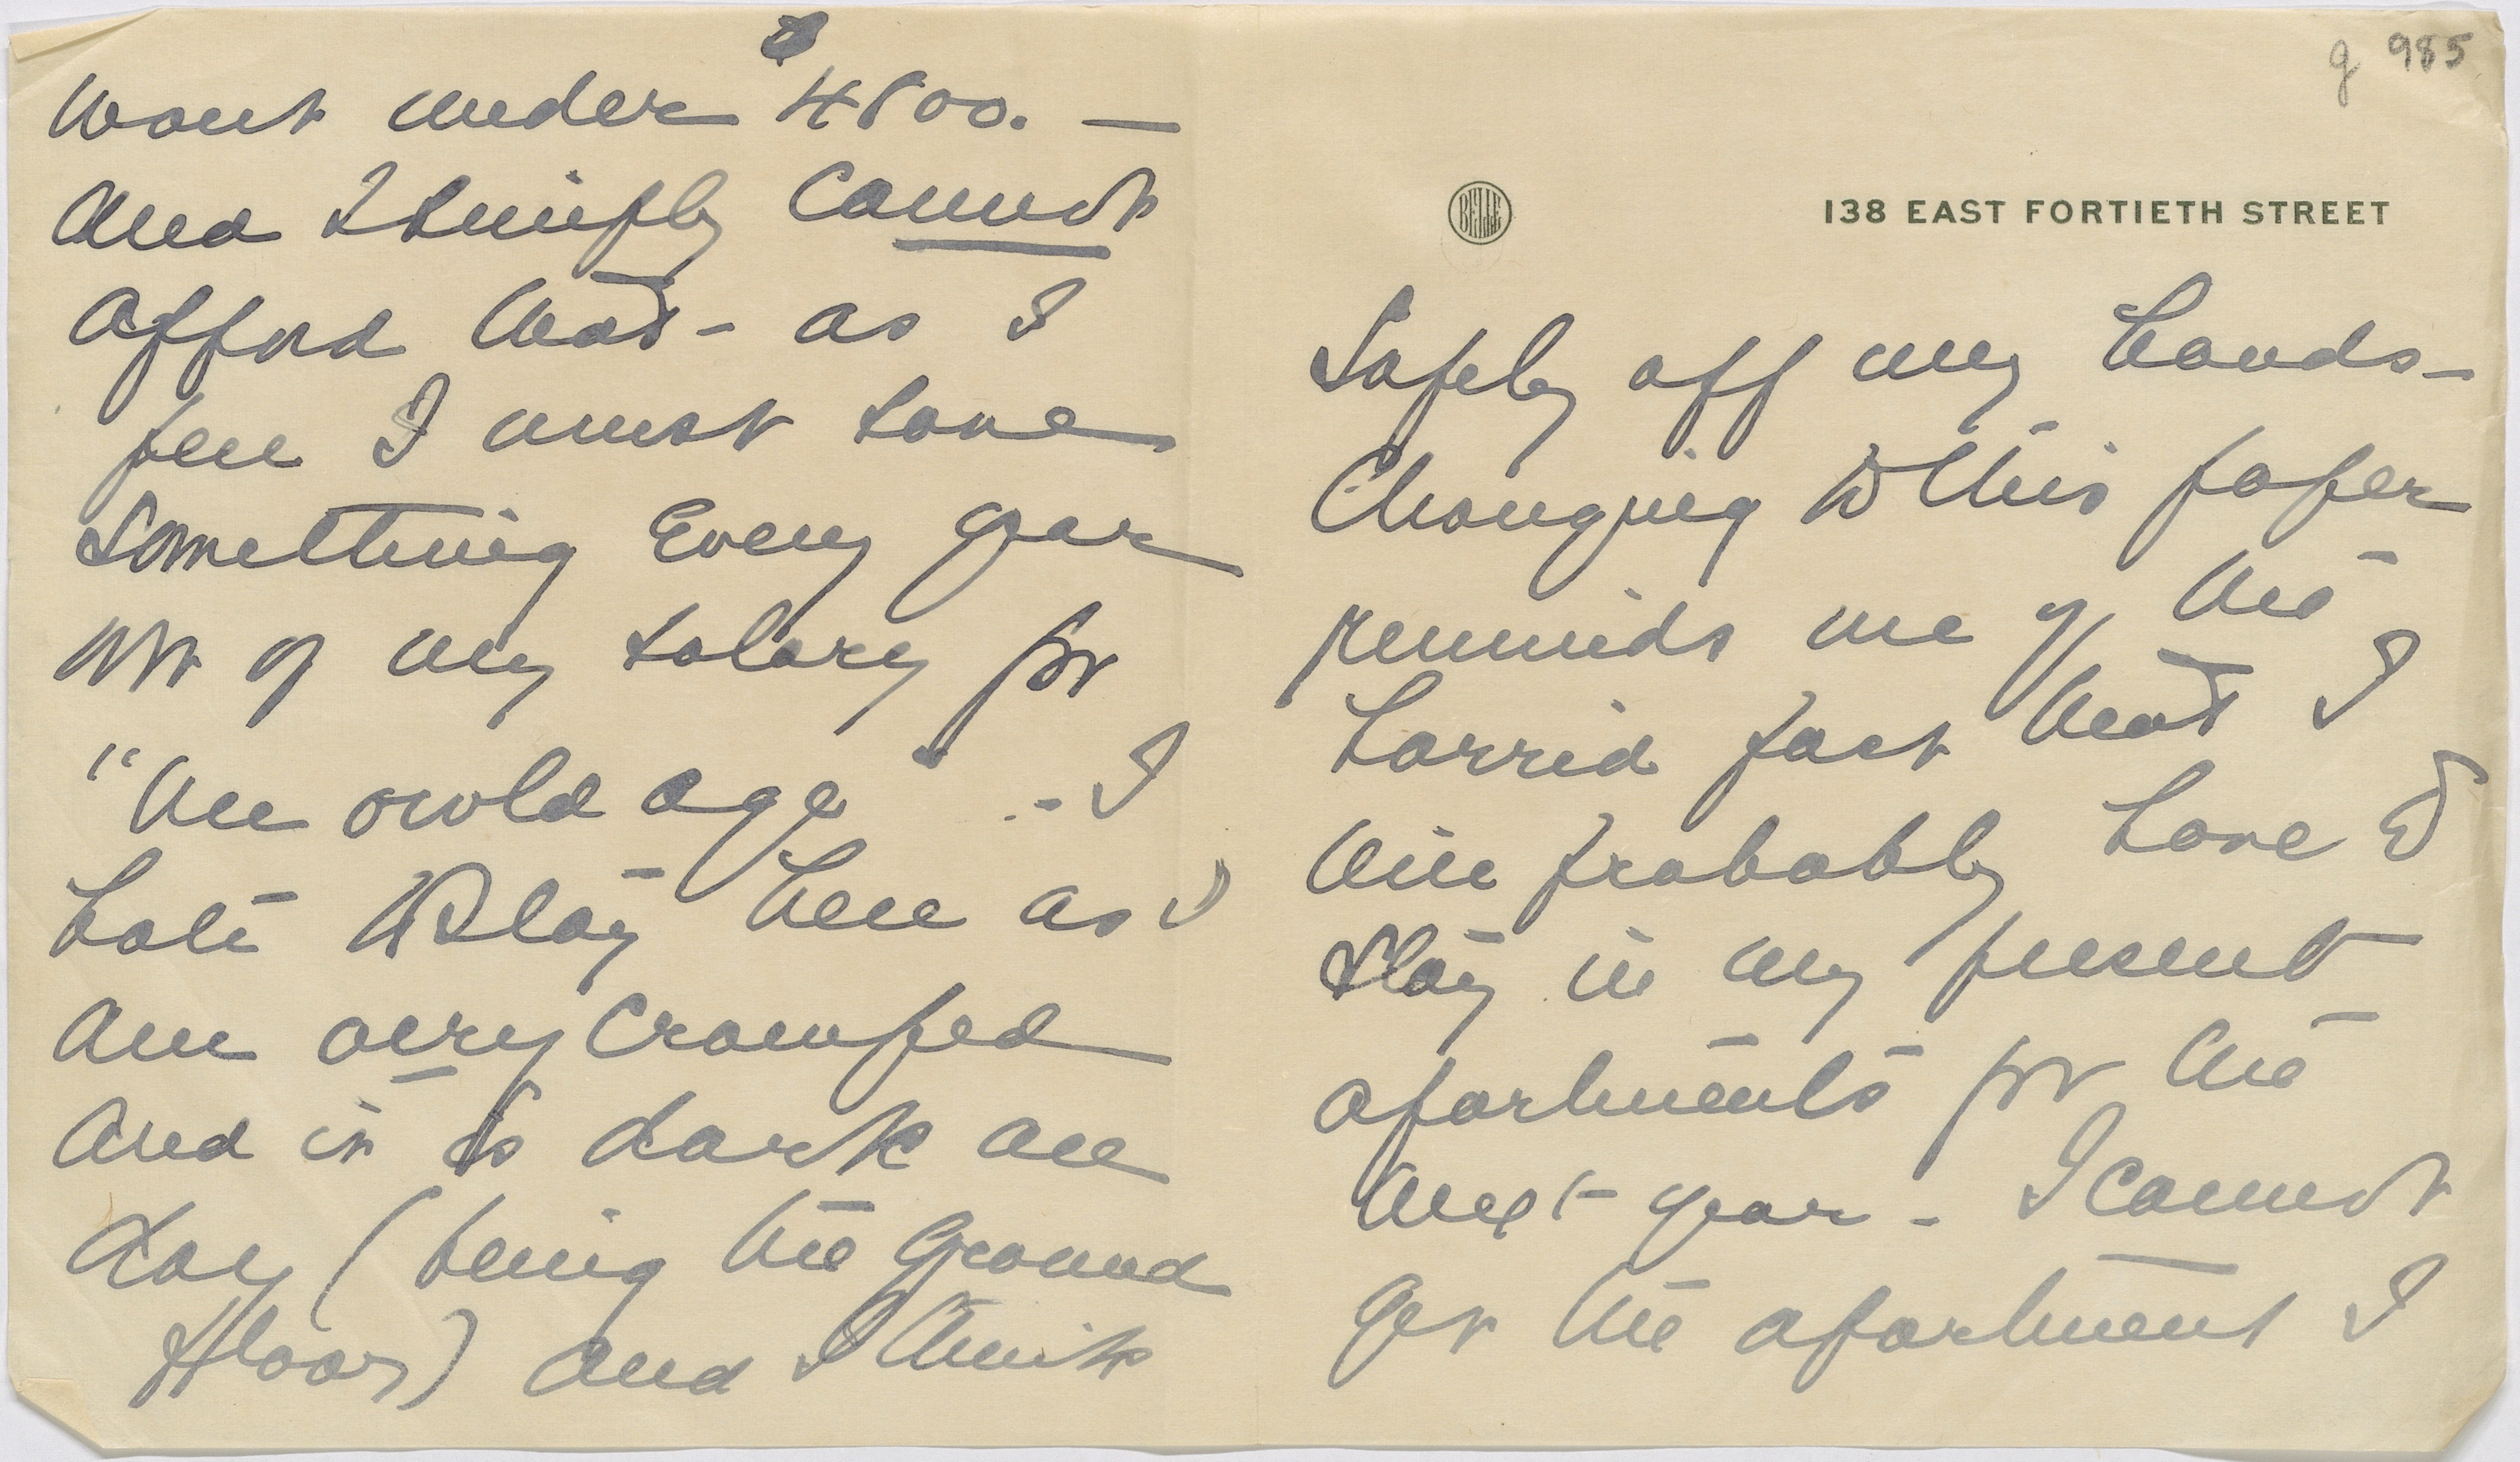Safely off my hands – Changing to this paper reminds me of the horrid fact that I will probably have to stay in my present apartments for the next year – I cannot get the apartment I
want under $4800. – and I simply cannot afford that – as I feel I must save something every year out of my salary for “me owld age” – I hate to stay here as I am very cramped and it is dark all day (being the ground floor) and I think